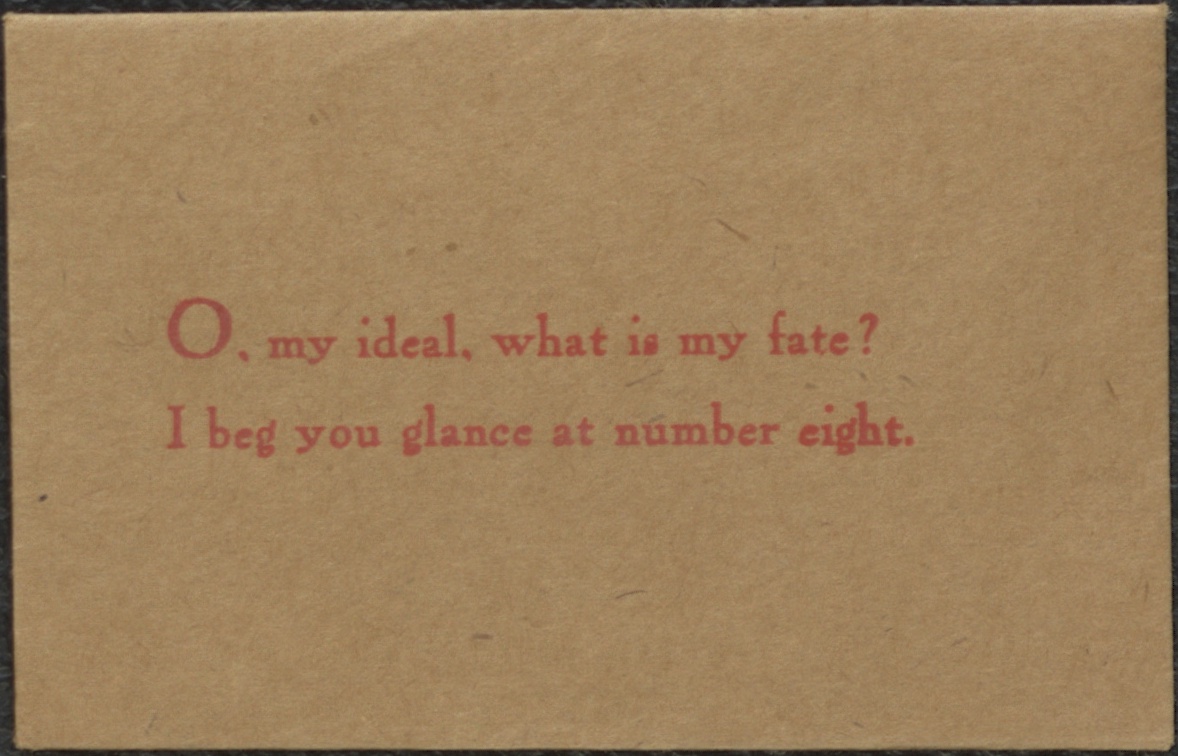[8]
O, my ideal, what is my fate?
I beg you glance at number eight.